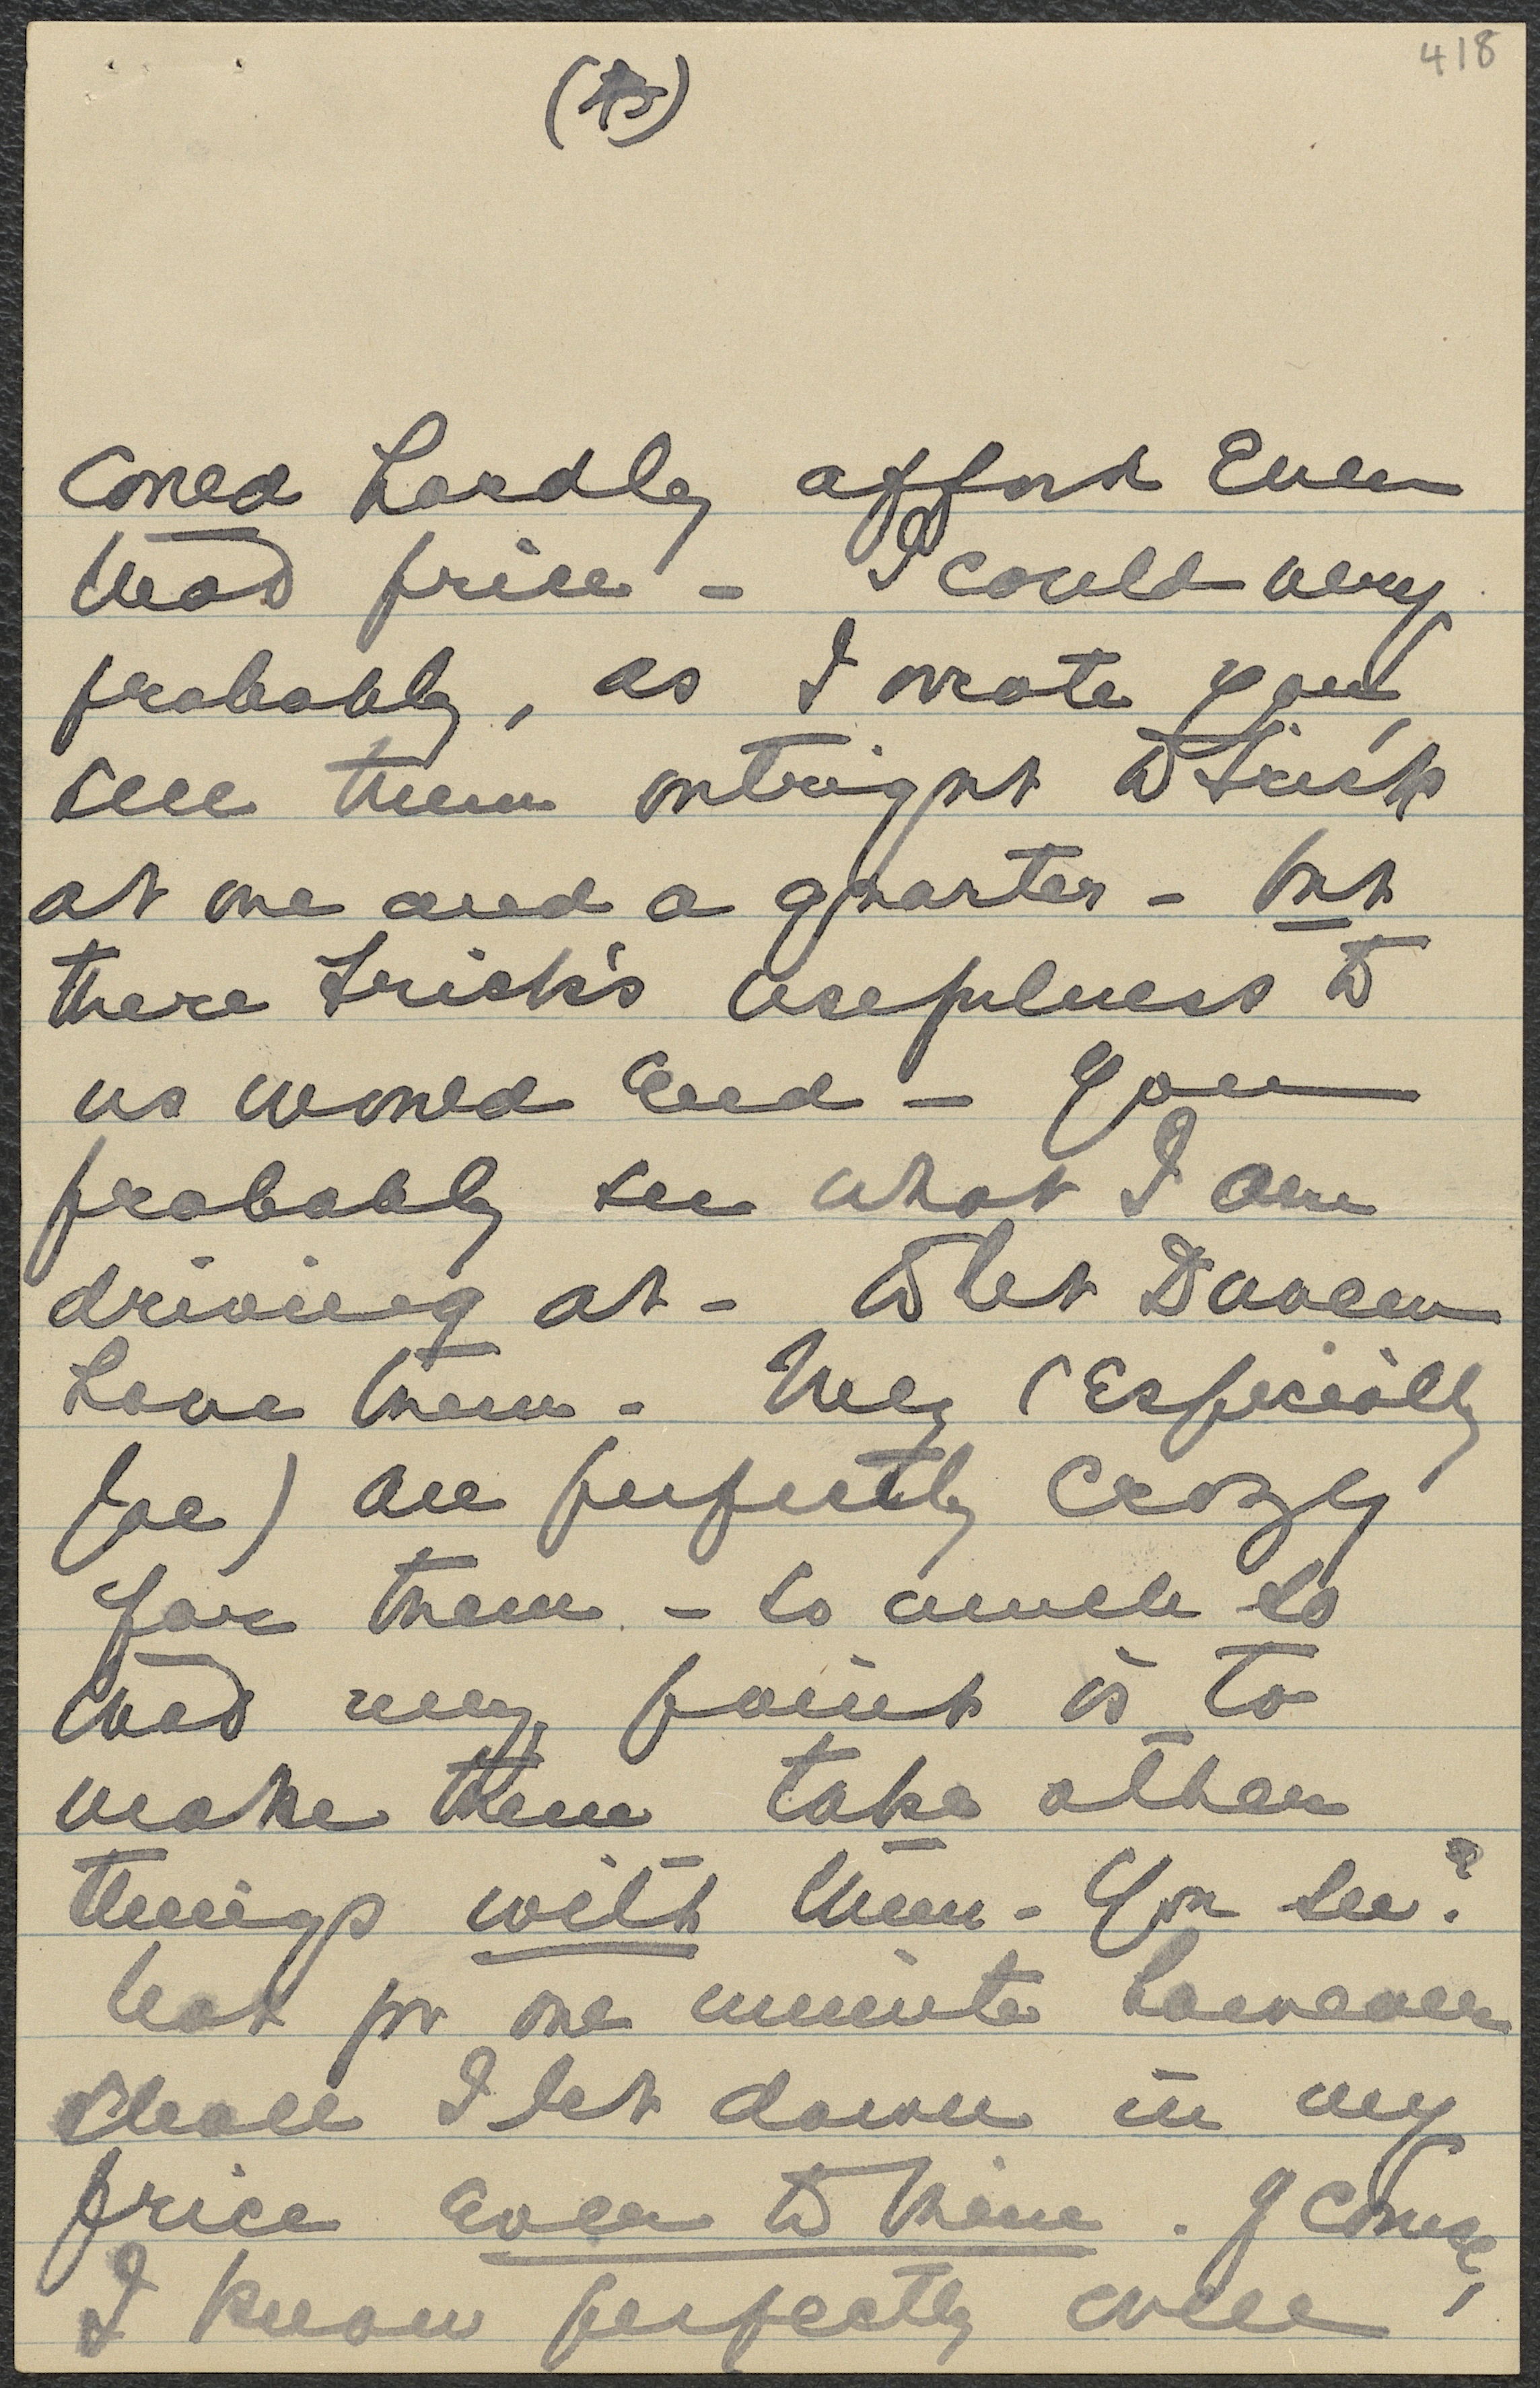(4)
could hardly afford even that price – I could very probably, as I wrote you, sell them outright to Frick at one and a quarter – but there Frick’s usefulness to us would end – You probably see what I am driving at – to let Duveen have them – They (especially Joe) are perfectly crazy for them – so much so that my point is to make them take other things with them – You see? Not for one minute however shall I let down in my price ever to thine. Of course, I know perfectly well